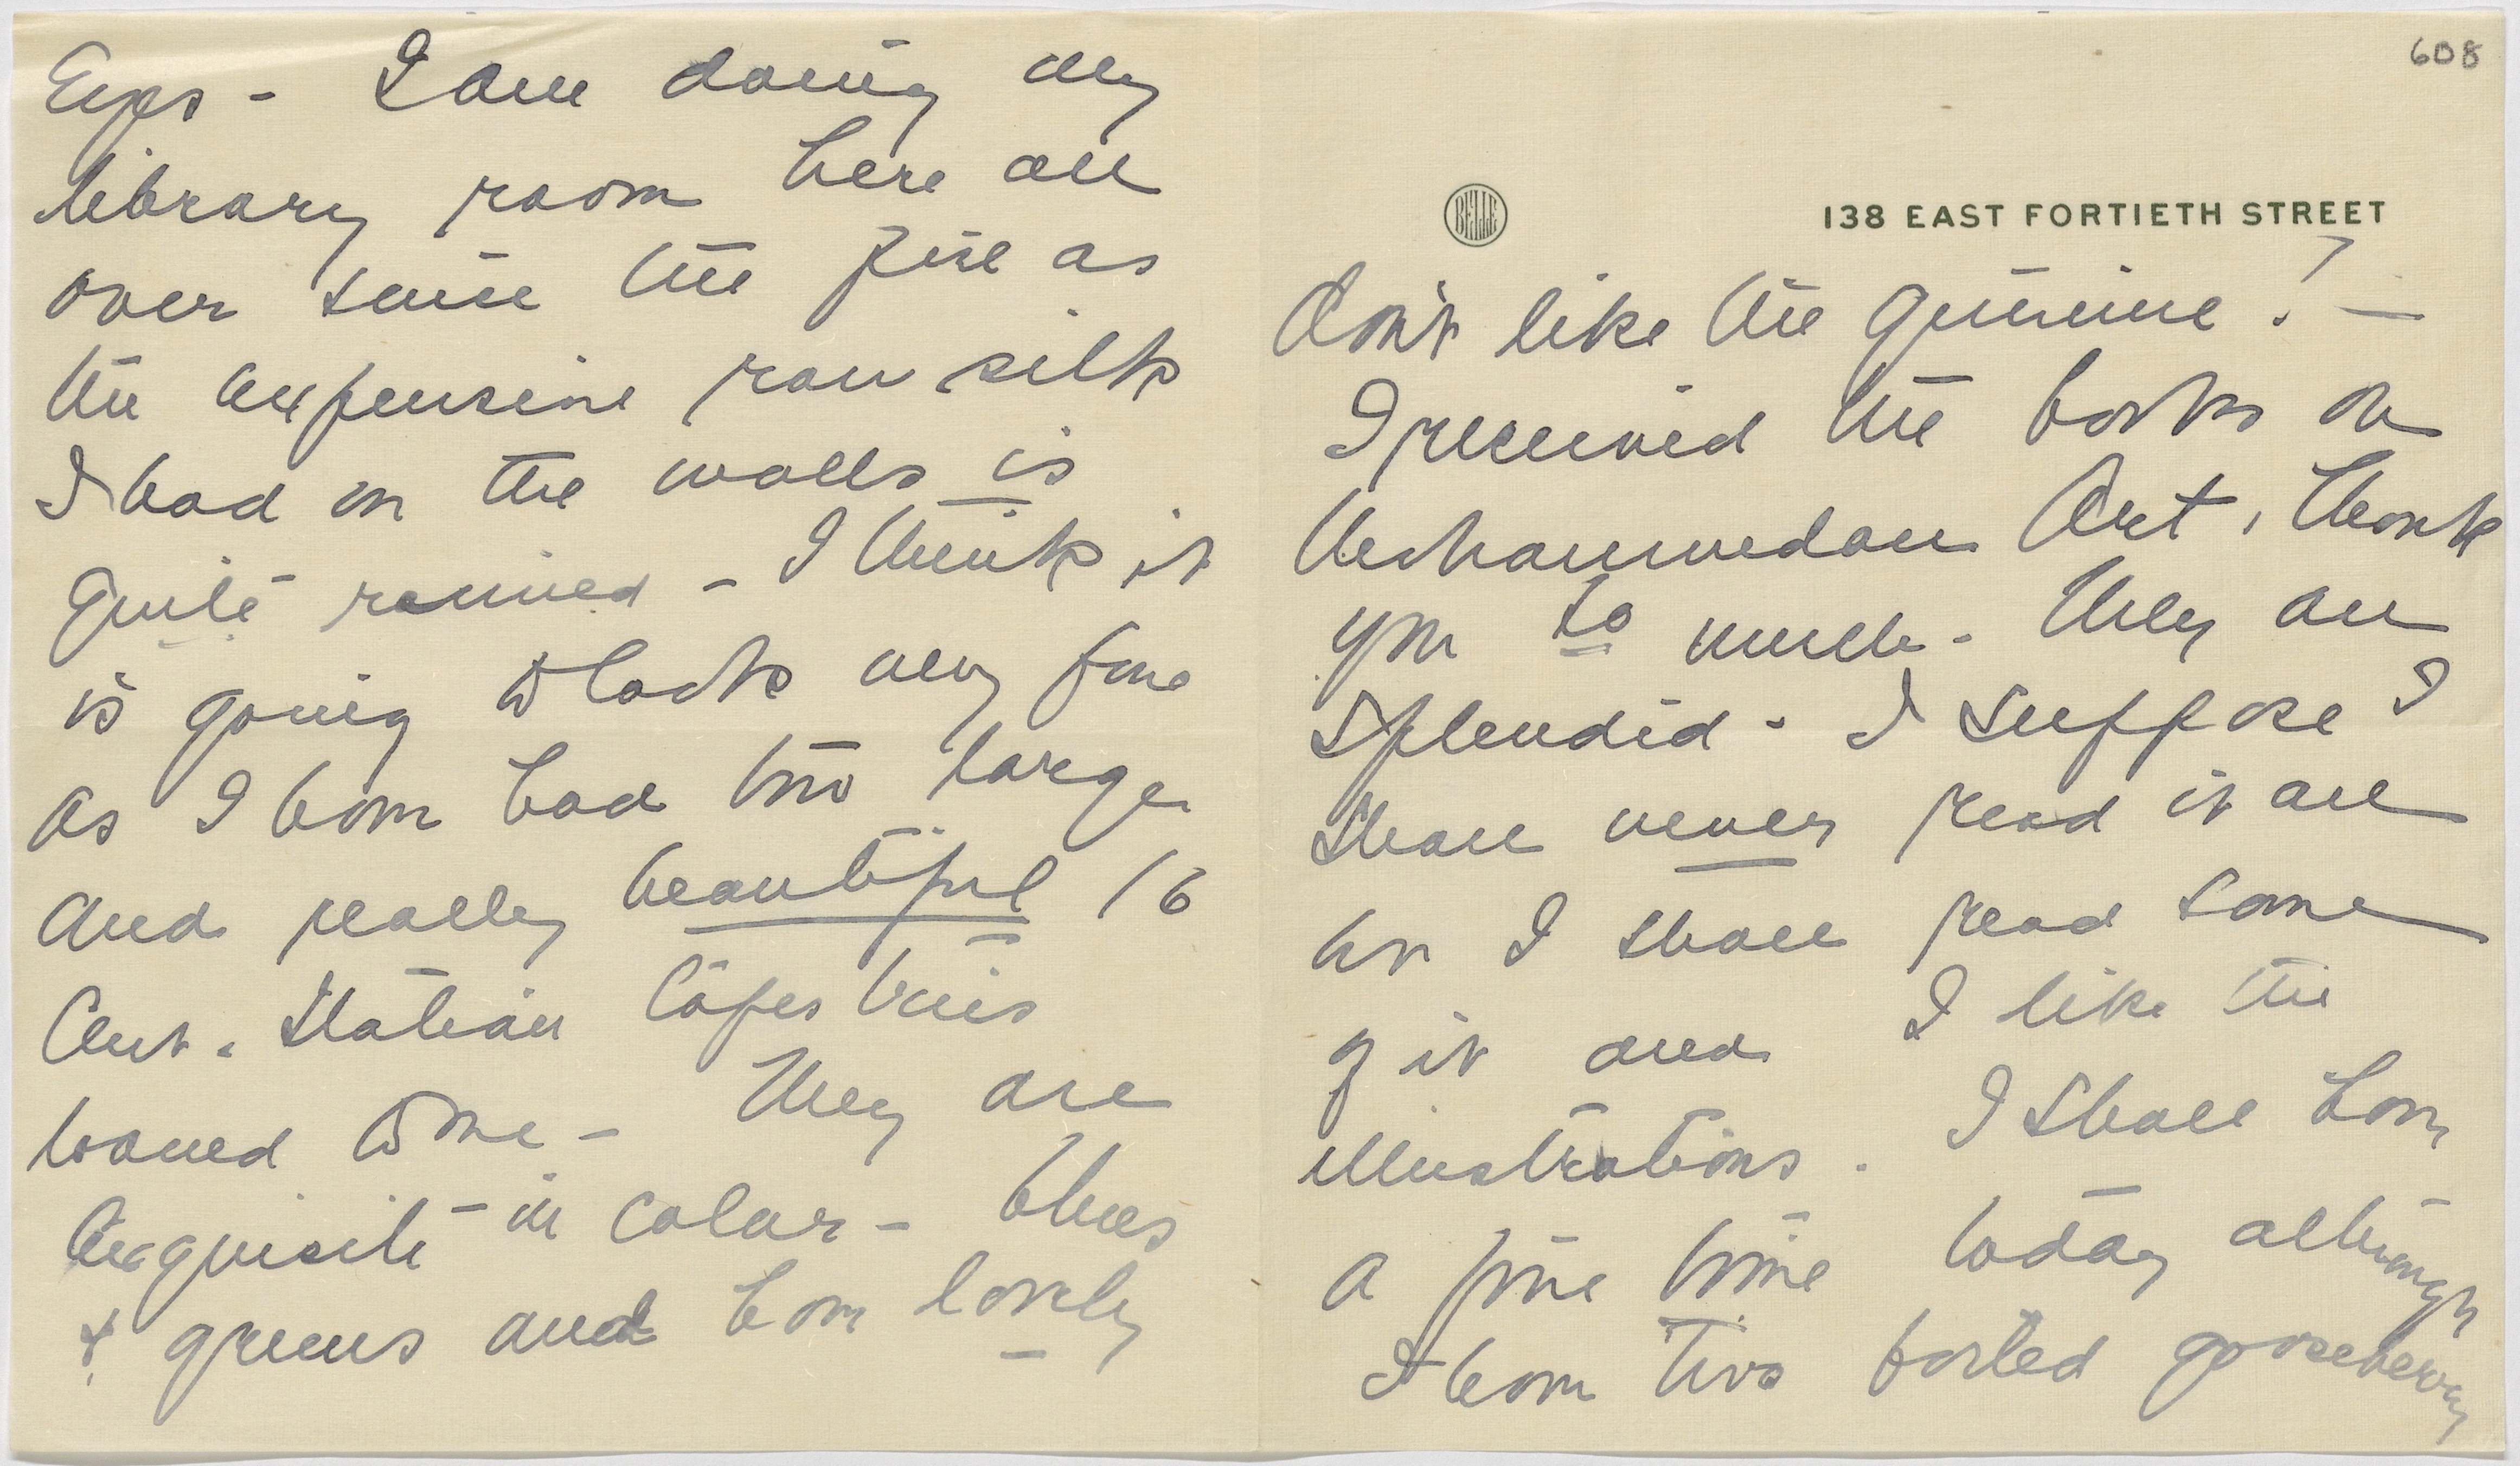don’t like the quinine! –
I received the books on Muhammedan [sic] Art, Thank you so much – They are splendid – I suppose I shall never read it all but I shall read some of it and I like the illustrations. I shall have a fine time today although I have two boiled gooseberry
eyes – I am doing my library room here all over since the fire as the expensive raw silk I had on the walls is quite ruined – I think it is going to look very fine as I have had two large and really beautiful 16 Cent. Italian tapestries loaned to me – They are exquisite in color – blues & greens and have lovely